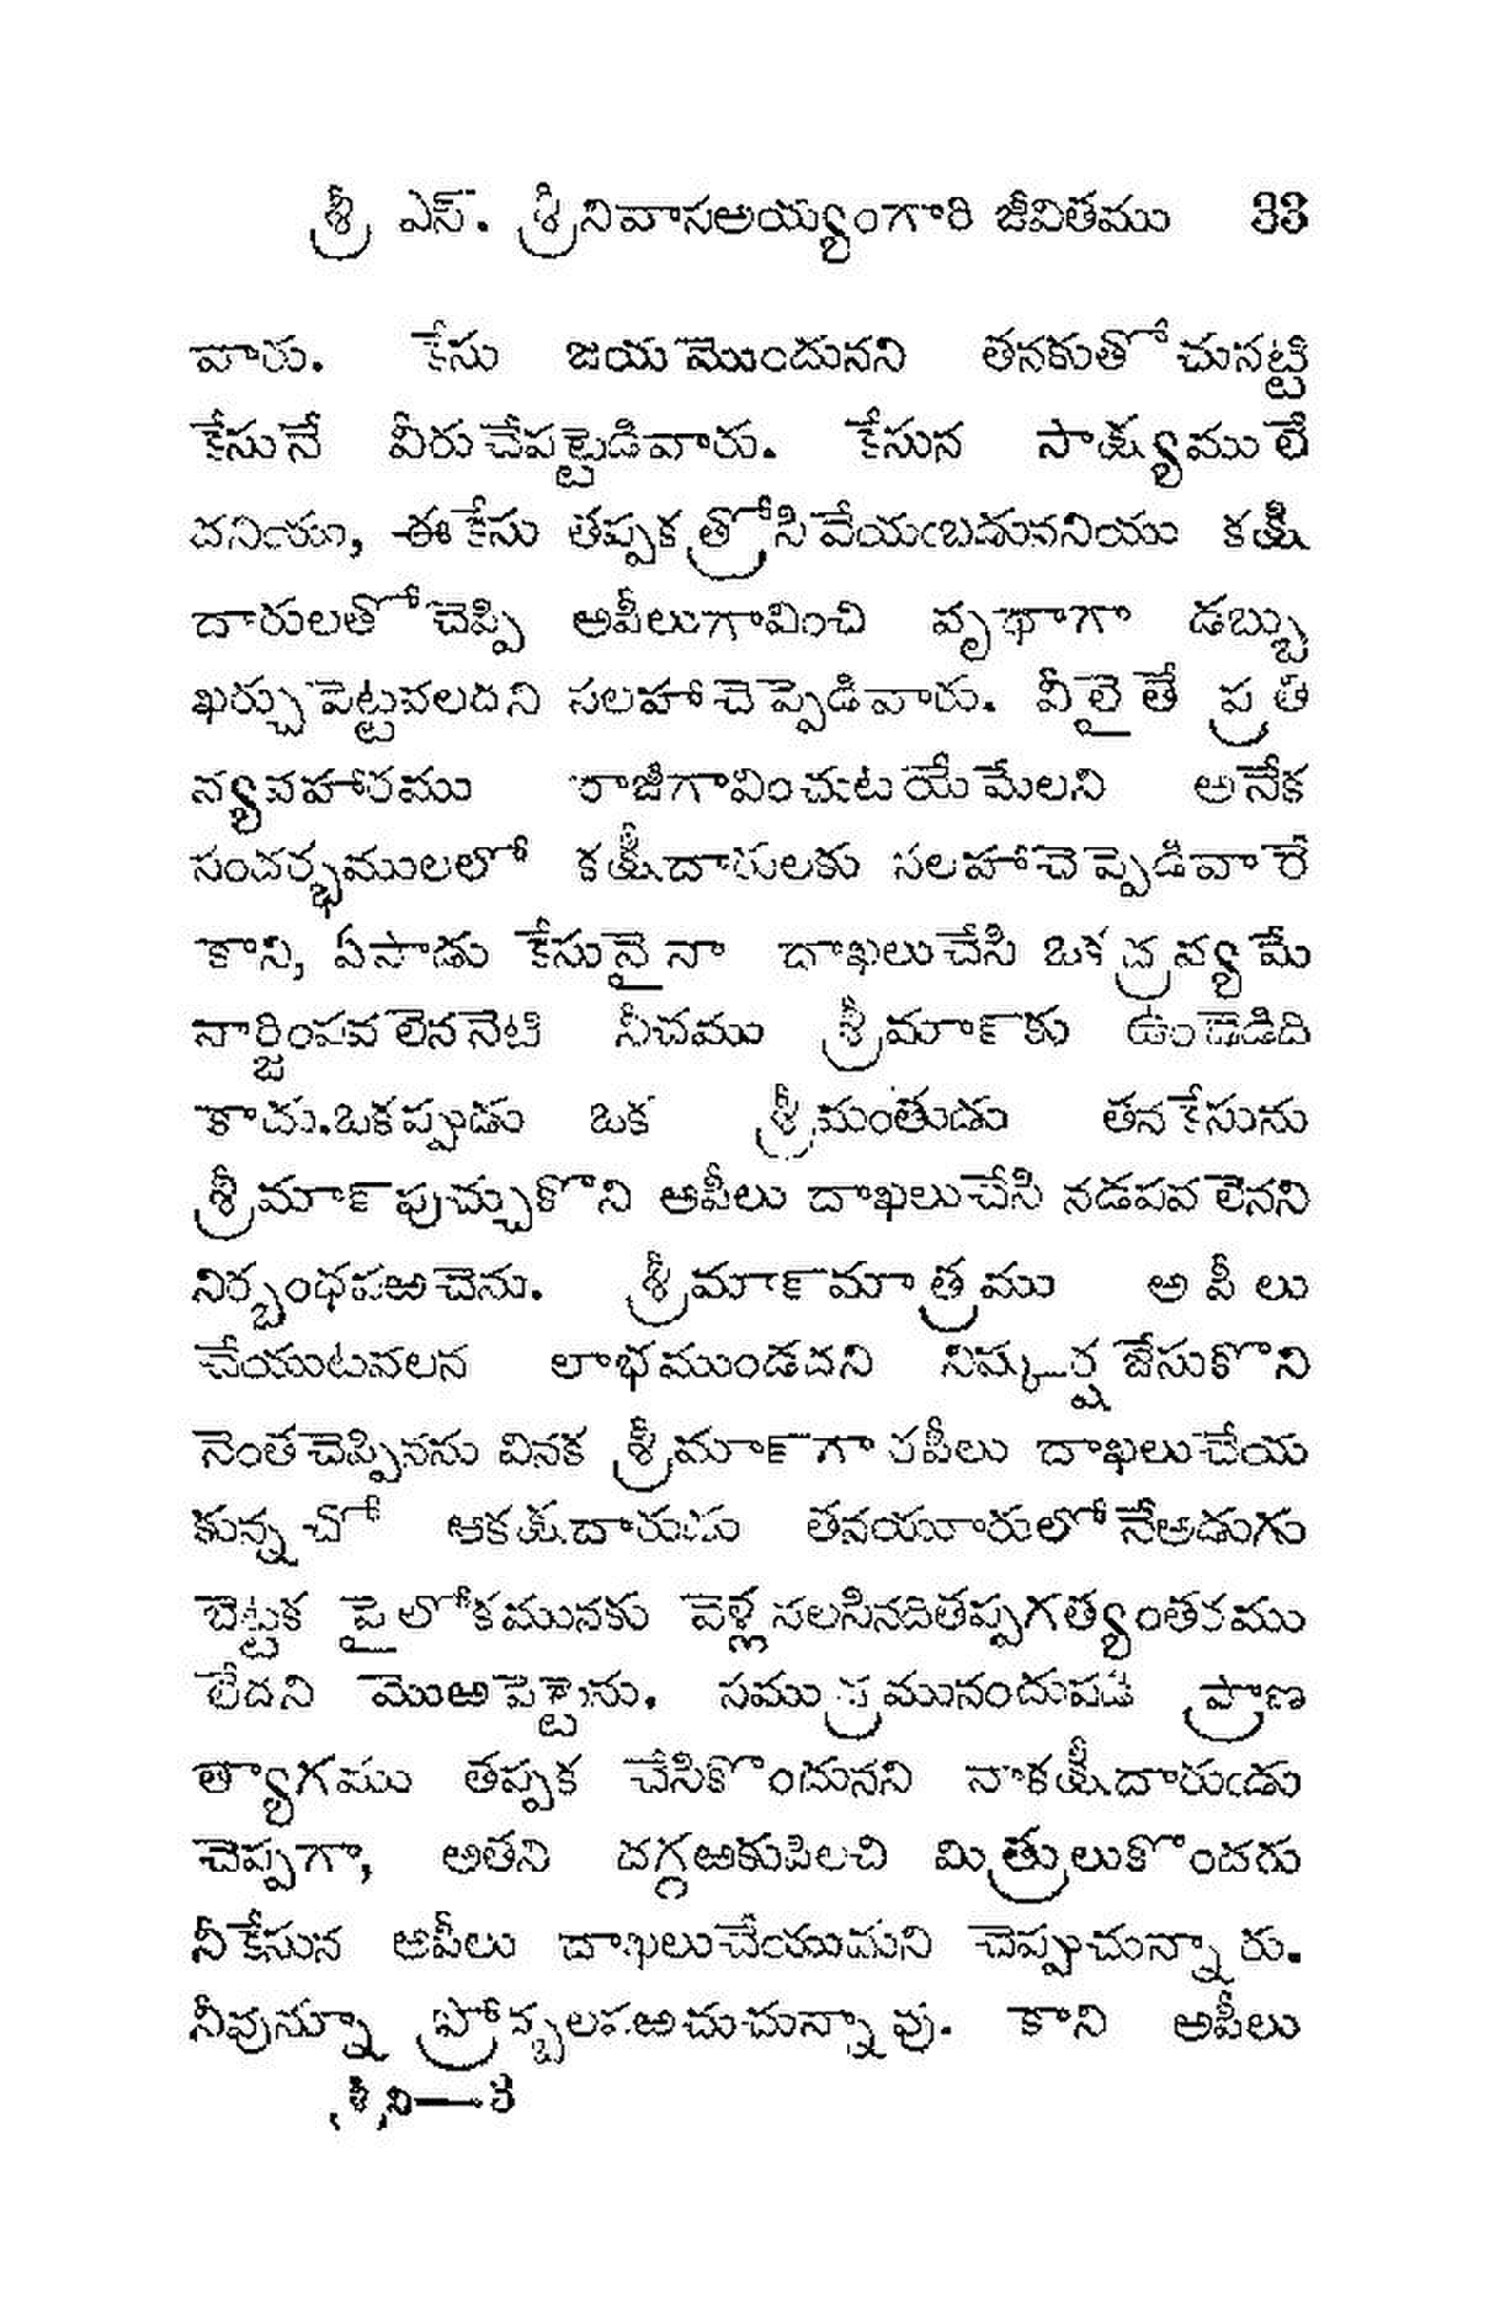వారు. కేసు జయమొందునని తనకుతోచునట్టి కేసునే వీరుచేపట్టెడివారు. కేసున సాక్ష్యములే దనియు, ఈకేసు తప్పకత్రోసివేయఁబడుననియు కక్షిదారులతో చెప్పి అపీలుగావించి వృథాగా డబ్బు ఖర్చుపెట్టవలదని సలహాచెప్పెడివారు. వీలైతే ప్రతి వ్యవహారము రాజీగావించుటయేమేలని అనేక సందర్భములలో కక్షీదారులకు సలహాచెప్పెడివారేకాని, ఏపాడు కేసునైనా దాఖలుచేసి ఒకద్రవ్యమే నార్జింపవలెననెటి నీచము శ్రీమా౯కు ఉండెడిదికాదు. ఒకప్పుడు ఒక శ్రీమంతుడు తనకేసును శ్రీమా౯పుచ్చుకొని అపీలు దాఖలుచేసి నడపవలెనని నిర్బంధపఱచెను. శ్రీమా౯మాత్రము అపీలు చేయుటవలన లాభముండదని నిష్కర్షజేసుకొని నెంతచెప్పినను వినక శ్రీమా౯గా రపీలు దాఖలుచేయకున్నచో ఆకక్షదారుడు తనయూరులోనేఅడుగు బెట్టక పైలోకమునకు వెళ్లవలసినదితప్ప గత్యంతరము లేదని మొఱపెట్టెను. సముద్రమునందుపడి ప్రాణత్యాగము తప్పక చేసికొందునని నాకక్షీదారుఁడు చెప్పగా, అతని దగ్గఱకుపిలచి మిత్రులుకొందరు నీకేసున అపీలు దాఖలుచేయుమని చెప్పుచున్నారు. నీవున్నూ ప్రోద్బలపఱచుచున్నావు. కాని అపీలు